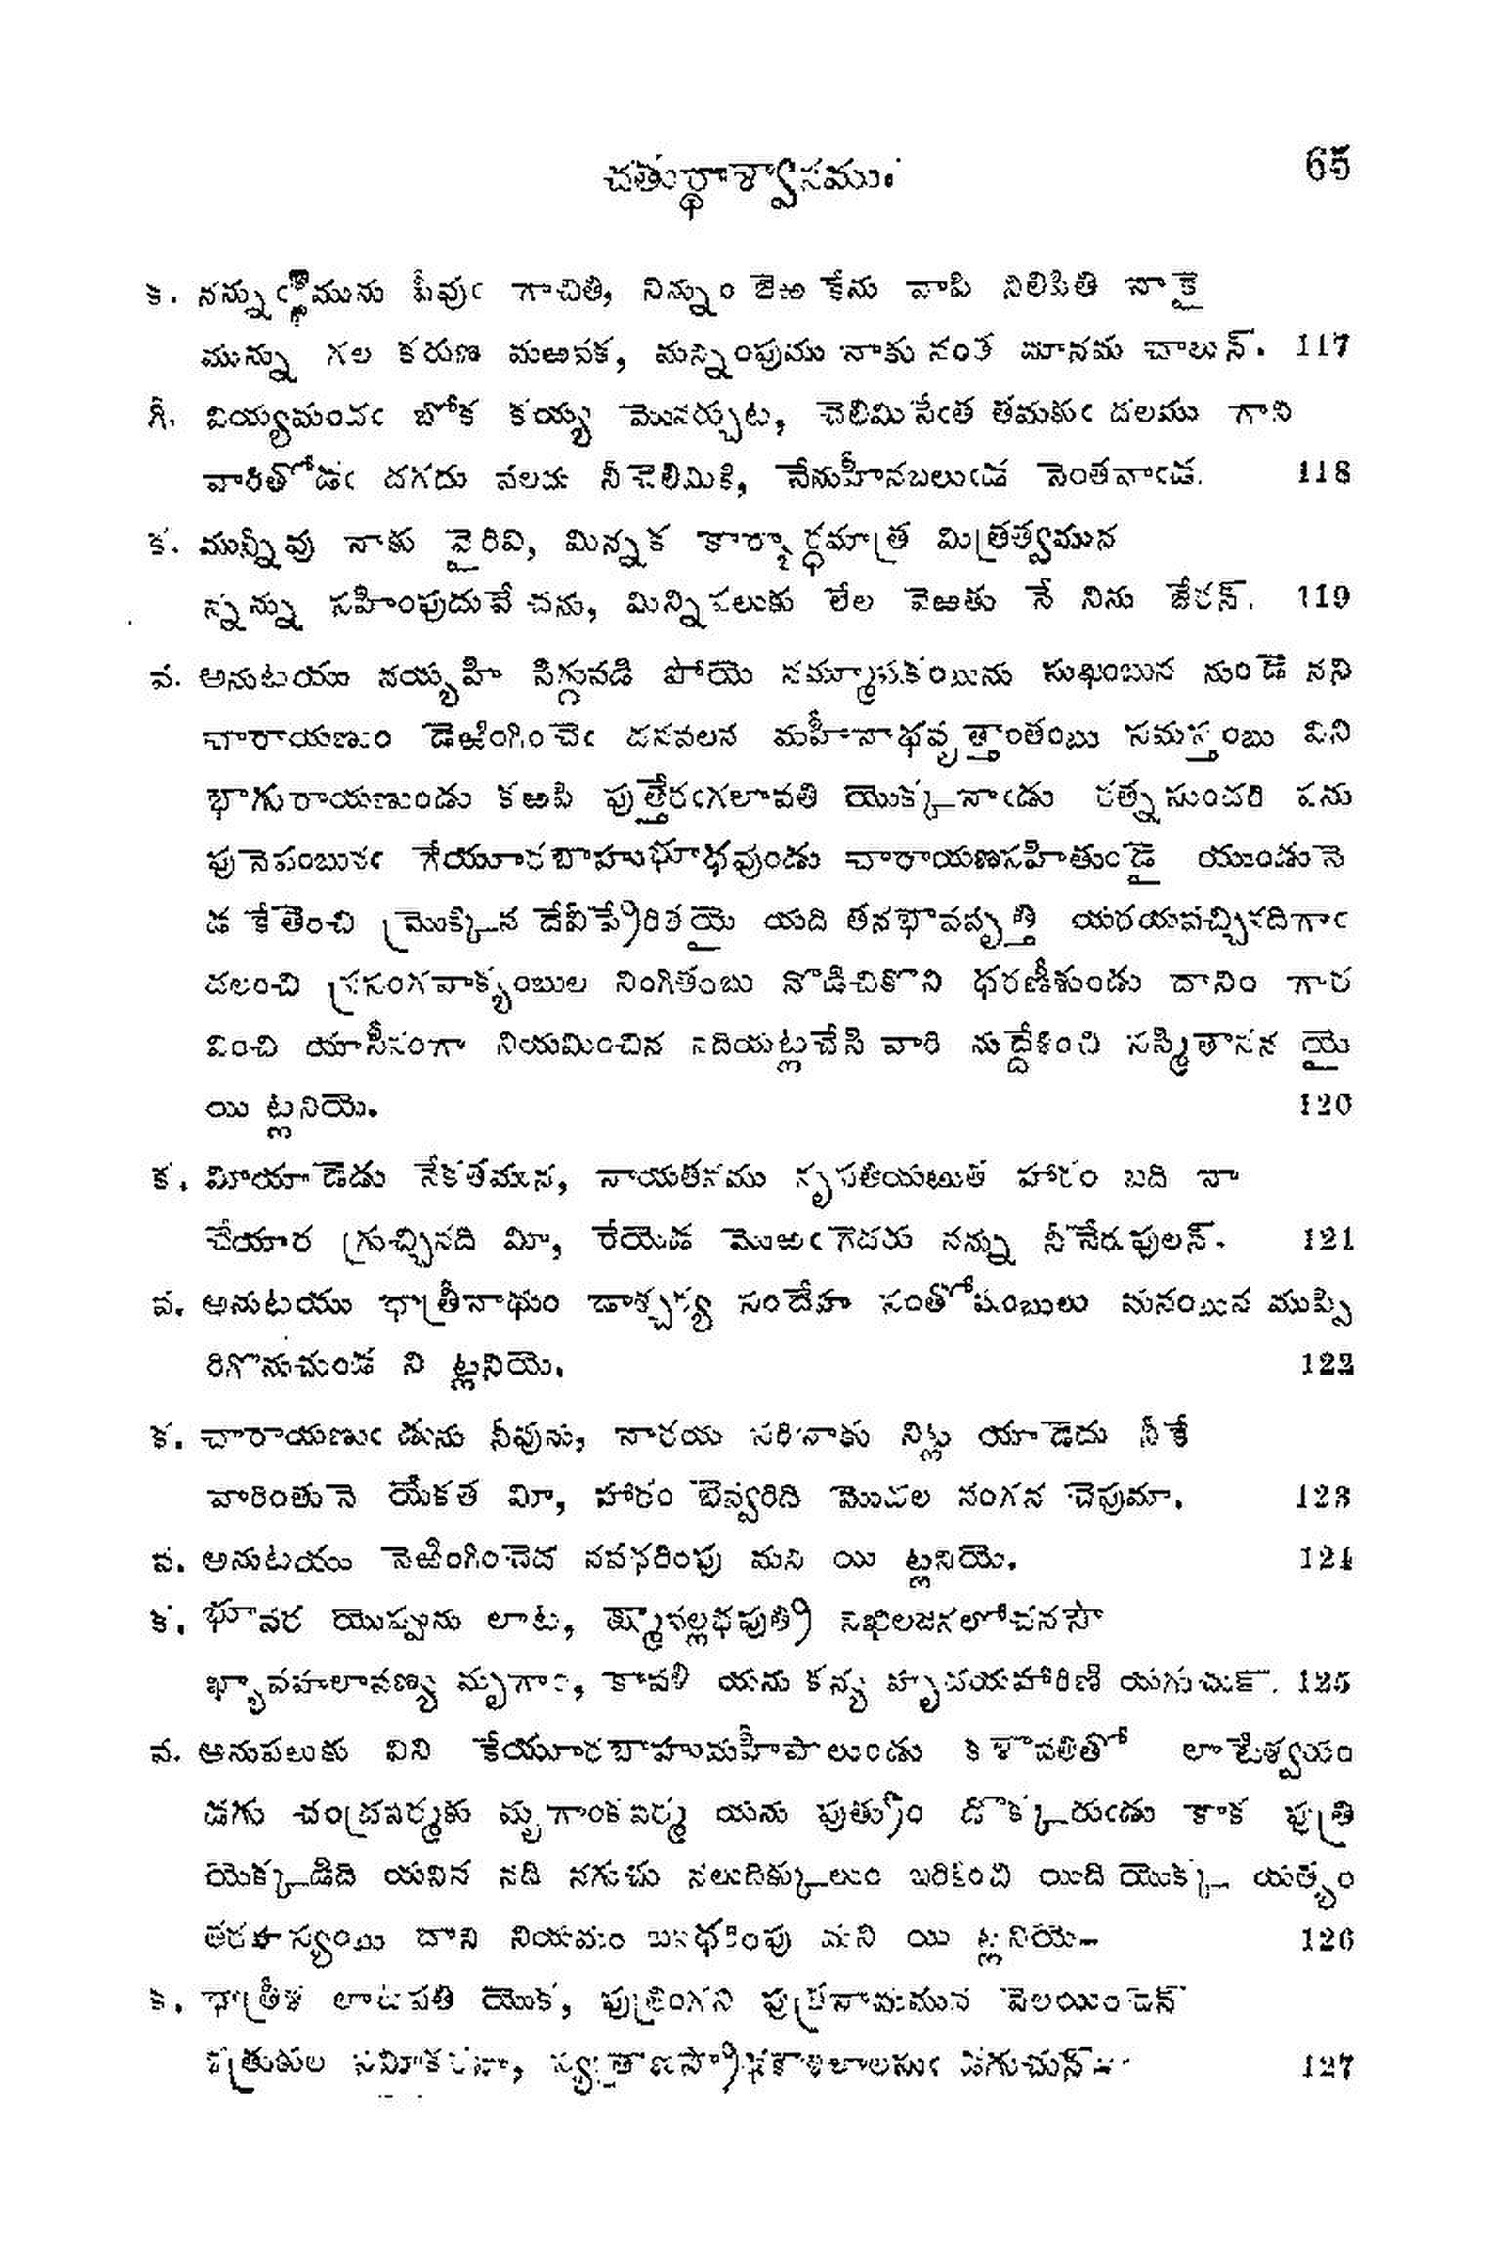క. నన్నుఁ మును పీవుఁ గాచితి, నిన్నుం జెఱ కేను వాపి నిలిపితి నాకై
 మున్ను గల కరుణ మఱవక, మన్నింపుము నాకు నంత మానమ చాలున్.
గీ. వియ్యమందఁ బోక కయ్య మొనర్చుట, చెలిమిసేఁత తమకుఁ దలము గాని
 వారితోడఁ దగదు వలదు నీచెలిమికి, నేను హీనబలుఁడ నెంతవాఁడ.
క. మున్నీవు నాకు వైరివి, మిన్నక కార్యార్థమాత్రమిత్రత్వమున
 న్నన్ను సహింపుదువే చను, మిన్నిపలుకు లేల వెఱతు నే నిను జేరన్.
వ. అనుటయు నయ్యహి సిగ్గువడి పోయె నమ్మూషకంబును సుఖంబున నుండె నని
 చారాయణుం డెఱింగించెఁ దనవలన మహీనాథవృత్తాంతంబు సమస్తంబు విని
 భాగురాయణుండు కఱపి పుత్తేరఁ గలావతి యొక్కనాఁడు రత్నసుందరి పను
 పునెపంబునఁ గేయూరబాహుభూధవుండు చారాయణసహితుఁడై యుండునె
 డ కేతెంచి మ్రొక్కిన దేవీప్రేరితయై యది తనభావవృత్తి యరయవచ్చినదిగాఁ
 దలంచి ప్రసంగవాక్యంబుల నింగితంబు నొడిచికొని ధరణీశుండు దానిం గార
 వించి యాసీనంగా నియమించిన నది యట్ల చేసి వారి నుద్దేశించి సస్మితానన యై
 యి ట్లనియె.
క. మీయాడెడు నేకతమున, నాయతనము నృపతియఱుత హారం బది నా
 చేయార గ్రుచ్చినది మీ, రేయెడ మొఱఁగెదరు నన్ను నీనేరుపులన్
వ. అనుటయు ధాత్రీనాథుం డాశ్చర్యసందేహసంతోషంబులు మనంబున ముప్పి
 రిగొనుచుండ ని ట్లనియె.
క. చారాయణుఁడును నీవును, నారయ సరి నాకు నిట్ల యాడెదు నీకే
 వారింతునె యేకత మీ, హారం బెవ్వరిది మొదల నంగన చెపుమా.
వ. అనుటయు నెఱింగించెద నవధరింపు మని యి ట్లనియె.
క. భూవర యొప్పును లాట, క్ష్మావల్లభపుత్రి నఖిలజనలోచన సౌ
 ఖ్యావహలావణ్య మృగాం, కావళి యను కన్య హృదయహారిణి యగుచున్.
వ. అనుపలుకు విని కేయూరబాహుమహీపాలుండు కళావతితో లాటేశ్వరుం
 డగు చంద్రవర్మకు మృగాంకవర్మ యను పుత్రుం డొక్కరుఁడు కాక పుత్రి
 యెక్కడిది యనిన నది నగుచు నలుదిక్కులుం బరికించి యిది యొక్క యత్యం
 తరహస్యంటు దాని నియమం బవధరింపు మని యిట్లనియె.
క. ధాత్రీశ లాటపతి యొక, పుత్రిం గని పుత్రనామమున వెలయించెన్
 శత్రుకులసమీకరనా, స్యత్రాణప్రౌఢకౌశలాలసుఁ డగుచున్.